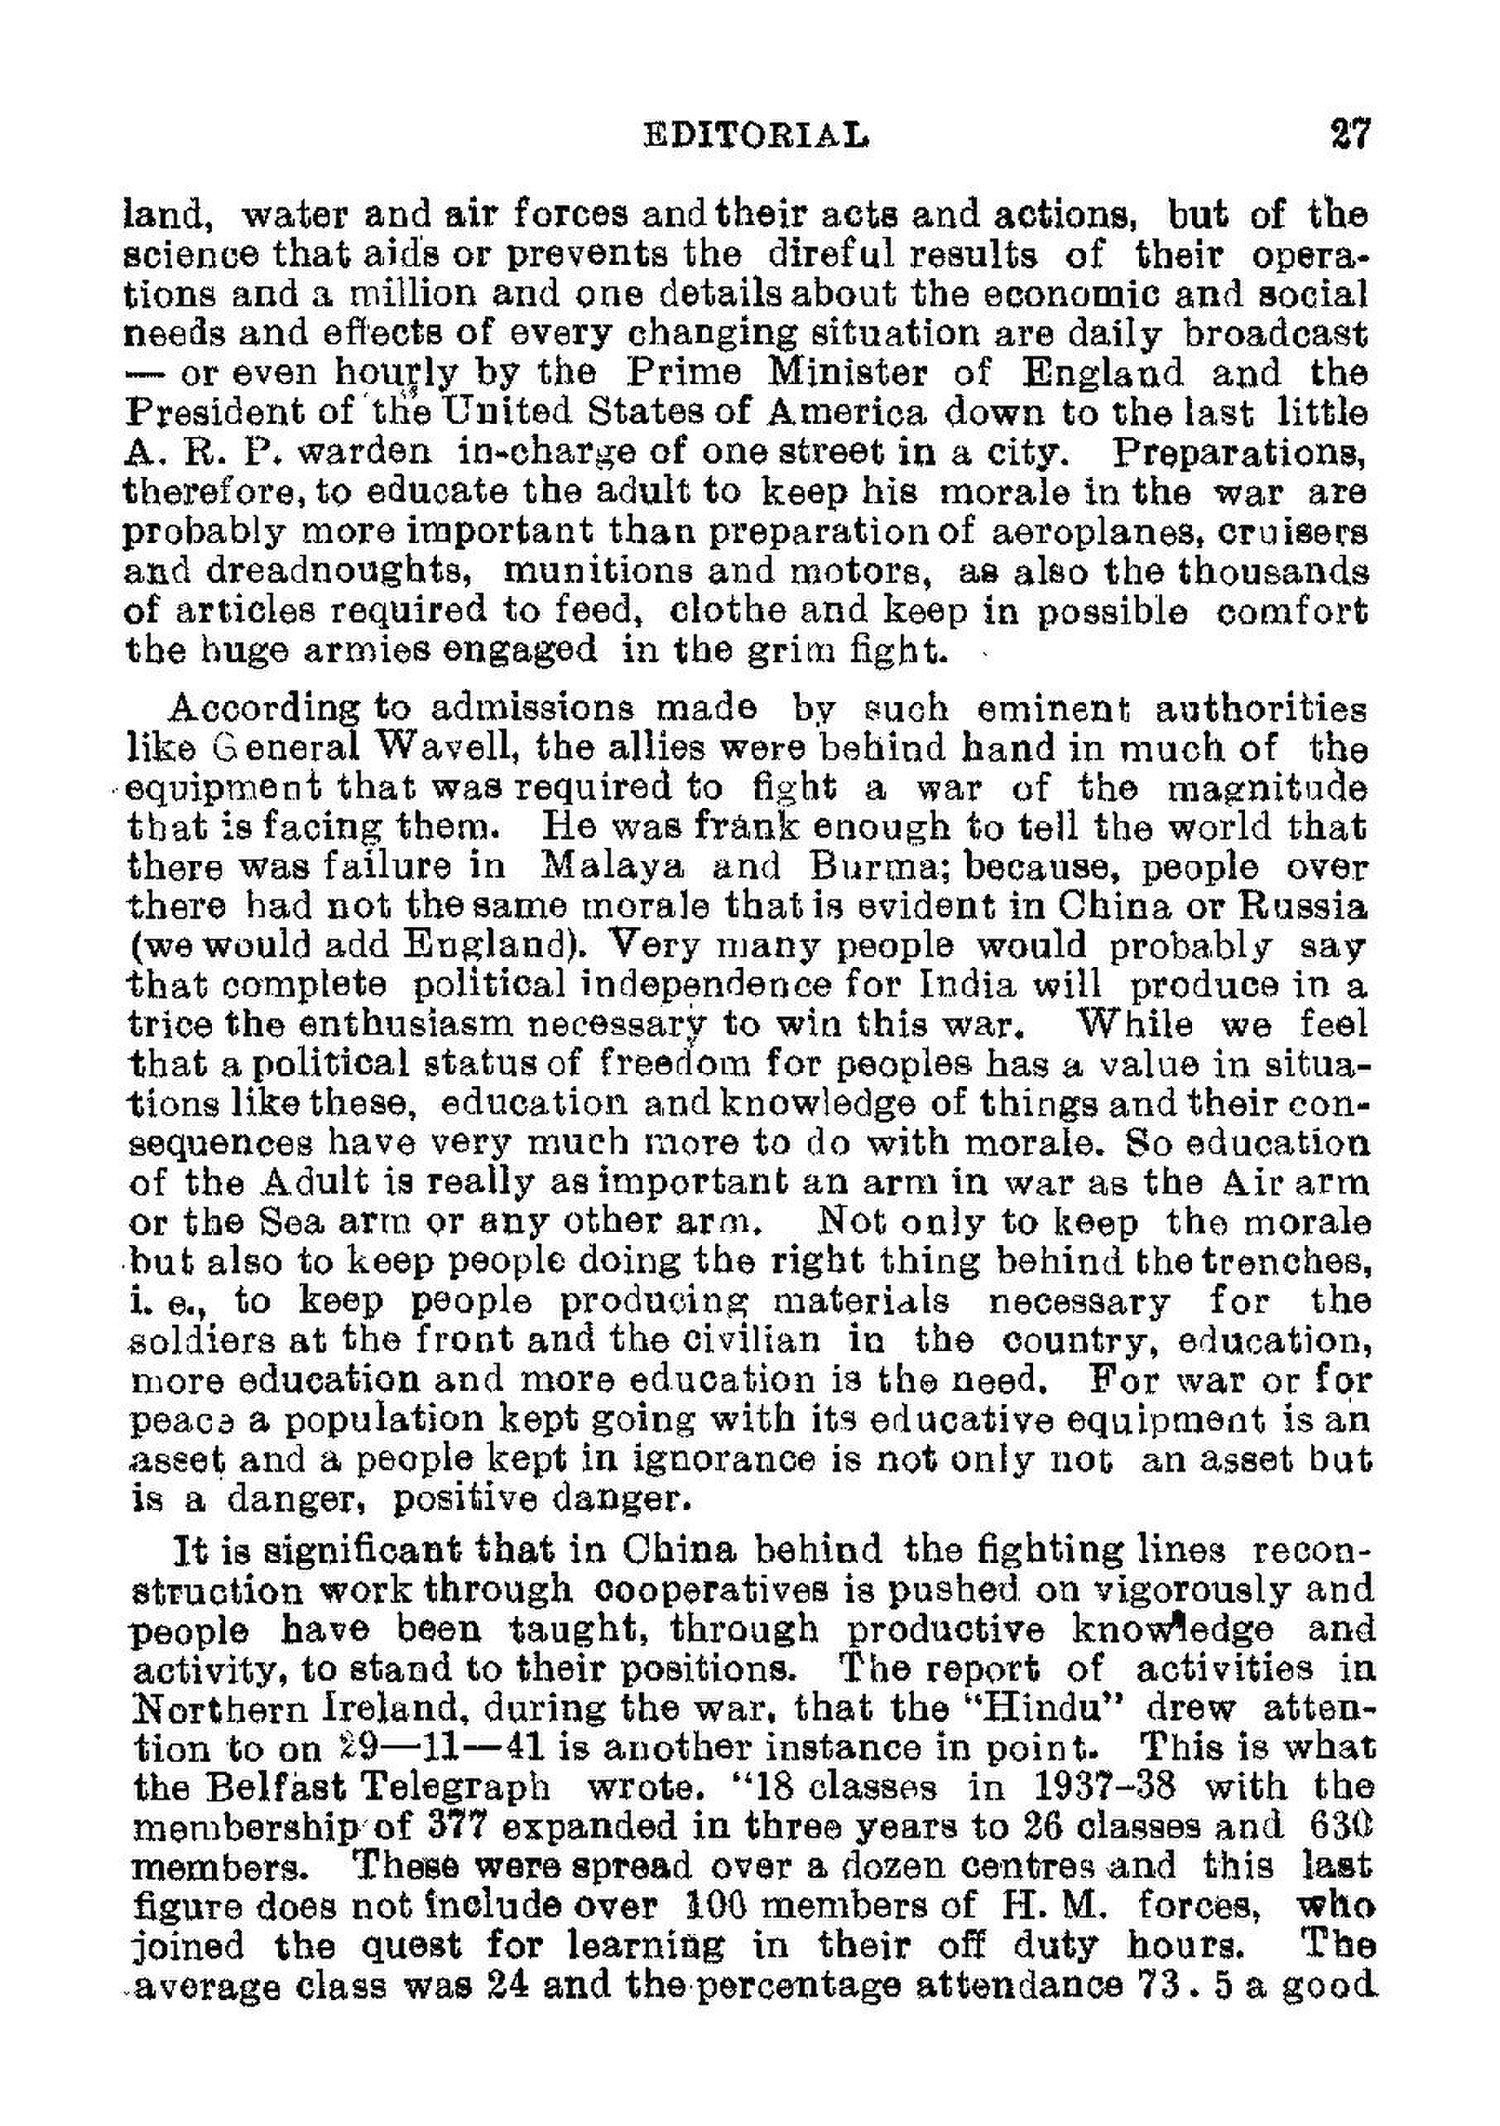land, water and air forces and their acts and actions, but of the science that aids or prevents the direful results of their operations and a million and one details about the economic and social needs and effects of every changing situation are daily broadcast - or even hourly by the Prime Minister of England and the President of the United States of America down to the last little A. R. P. warden in-charge of one street in a city. Preparations,
therefore, to educate the adult to keep his morale in the war are probably more important than preparation of 
aero-planes, cruisers and dreadnoughts, munitions and motors, as also the thousands of articles required to feed, clothe and keep in possible comfort the huge armies engaged in the grim fight.

According to admissions made by such eminent authorities like General Wavell, the allies were behind hand in much of the equipment that was required to fight a war of the magnitude that is facing them. He was frank enough to tell the world that there was failure in Malaya and Burma; because, people over there had not the same morale that is evident in China or Russia (we would add England). Very many people would probably say that complete political independence for India will produce in a trice the enthusiasm necessary to win this war. While we feel that a political status of freedom for peoples has a value in situations like these, education and knowledge of things 
and their consequences have very much more to do with morale. So education of the Adult is really as important an arm in war as the Air arm or the Sea arm or any other arm. Not only to keep the morale but also to keep people doing the right thing behind the trenches, i. e., to keep people producing materials necessary for the soldiers 
at the front and the civilian in the country, education, more education and more education is the need. For war
or for peace a population kept going with its educative equipment is an asset and a people kept in ignorance is 
not only not an asset but is a danger, positive danger. It is significant that in China behind the fighting lines reconstruction work through cooperatives is pushed on vigorously and people have been taught, through productive knowledge and activity, to stand to their positions. The report of activities in Northern Ireland, during the war, that the "Hindu" drew attention to on 29-11-41 is another instance in point. This is what the Belfast Telegraph wrote. "18 classes in 1937-38 with the membership of 377 expanded in three years to 26 classes and 630 members. These were spread over a dozen centers and this last figure does not include over 100 members of H. M. forces,
who joined the quest for learning in their off duty hours. The average class was 24 and the percentage attendance 73. 5 a good